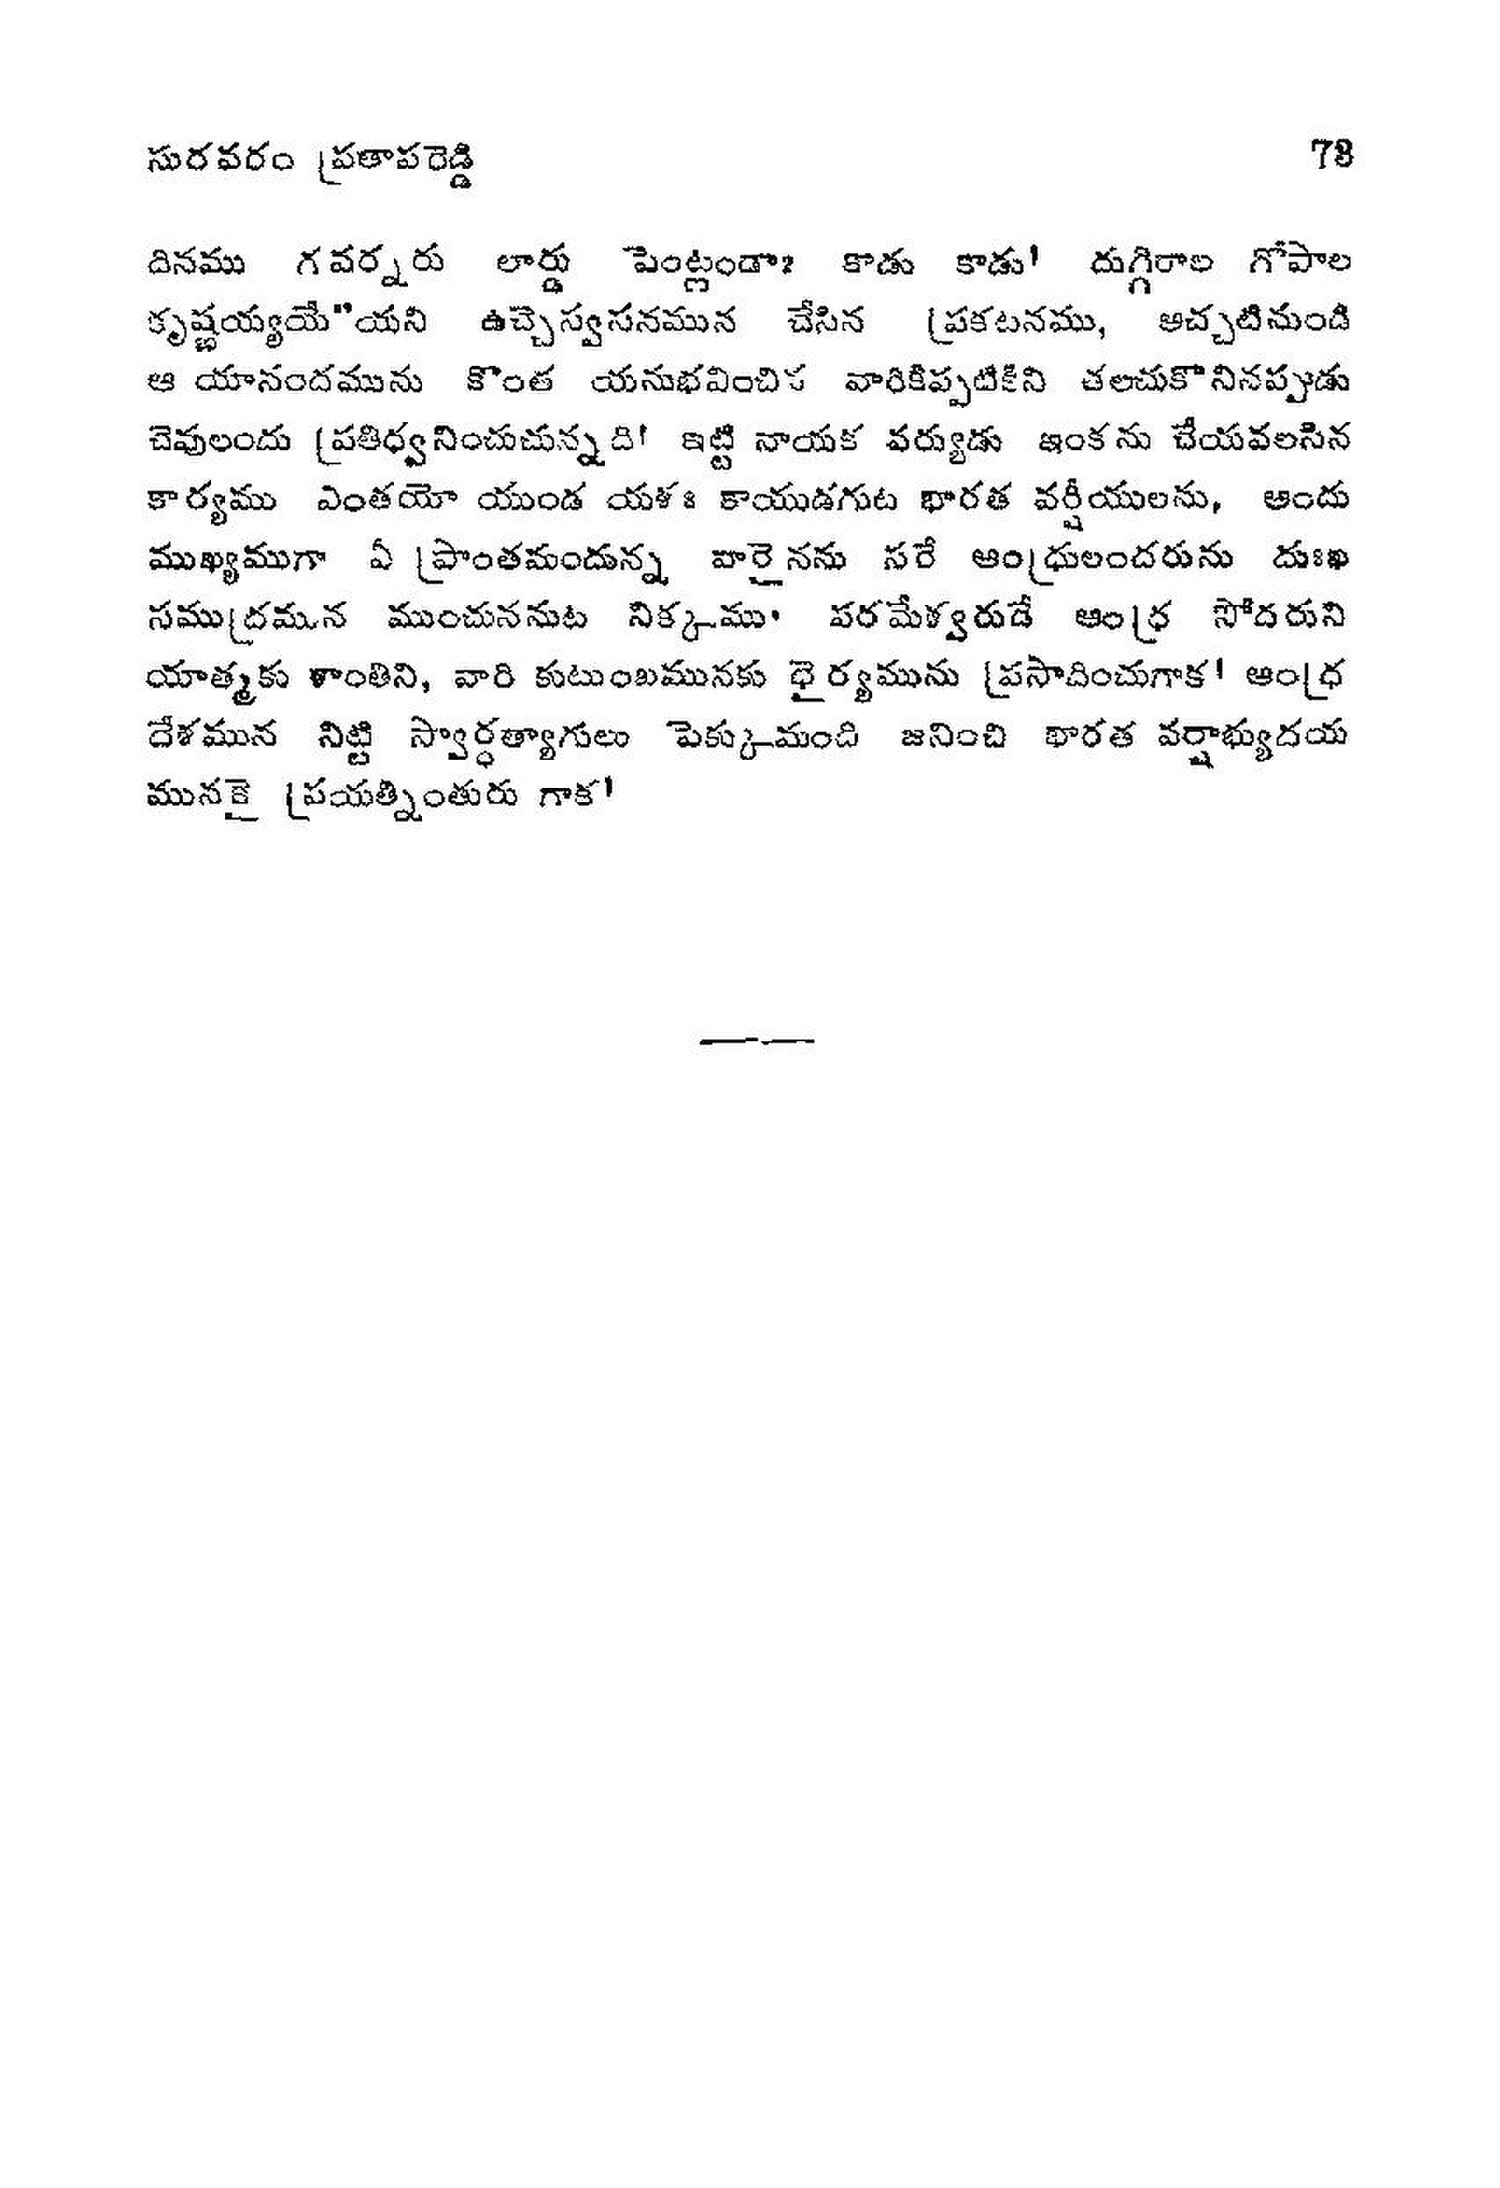దినము గవర్నరు లార్డు పెంట్లండా? కాడు కాడు! దుగ్గిరాల గోపాలకృష్ణయ్యయే"యని ఉచ్చెస్వసనమున చేసిన ప్రకటనము, అచ్చటినుండి ఆ యానందమును కొంత యనుభవించిన వారికిప్పటికిని తలచుకొనినప్పుడు చెవులందు ప్రతిధ్వనించుచున్నది! ఇట్టి నాయక వర్యుడు ఇంకను చేయవలసిన కార్యము ఎంతయో యుండ యశః కాయుడగుట భారత వర్షీయులను, అందు ముఖ్యముగా ఏ ప్రాంతమందున్న వారైనను సరే ఆంధ్రులందరును దుఃఖ సముద్రమున ముంచుననుట నిక్కము. పరమేశ్వరుడే ఆంధ్ర సోదరుని యాత్మకు శాంతిని, వారి కుటుంబమునకు ధైర్యమును ప్రసాదించుగాక ! ఆంధ్ర దేశమున నిట్టి స్వార్ధత్యాగులు పెక్కుమంది జనించి భారత వర్షాభ్యుదయమునకై ప్రయత్నింతురు గాక!